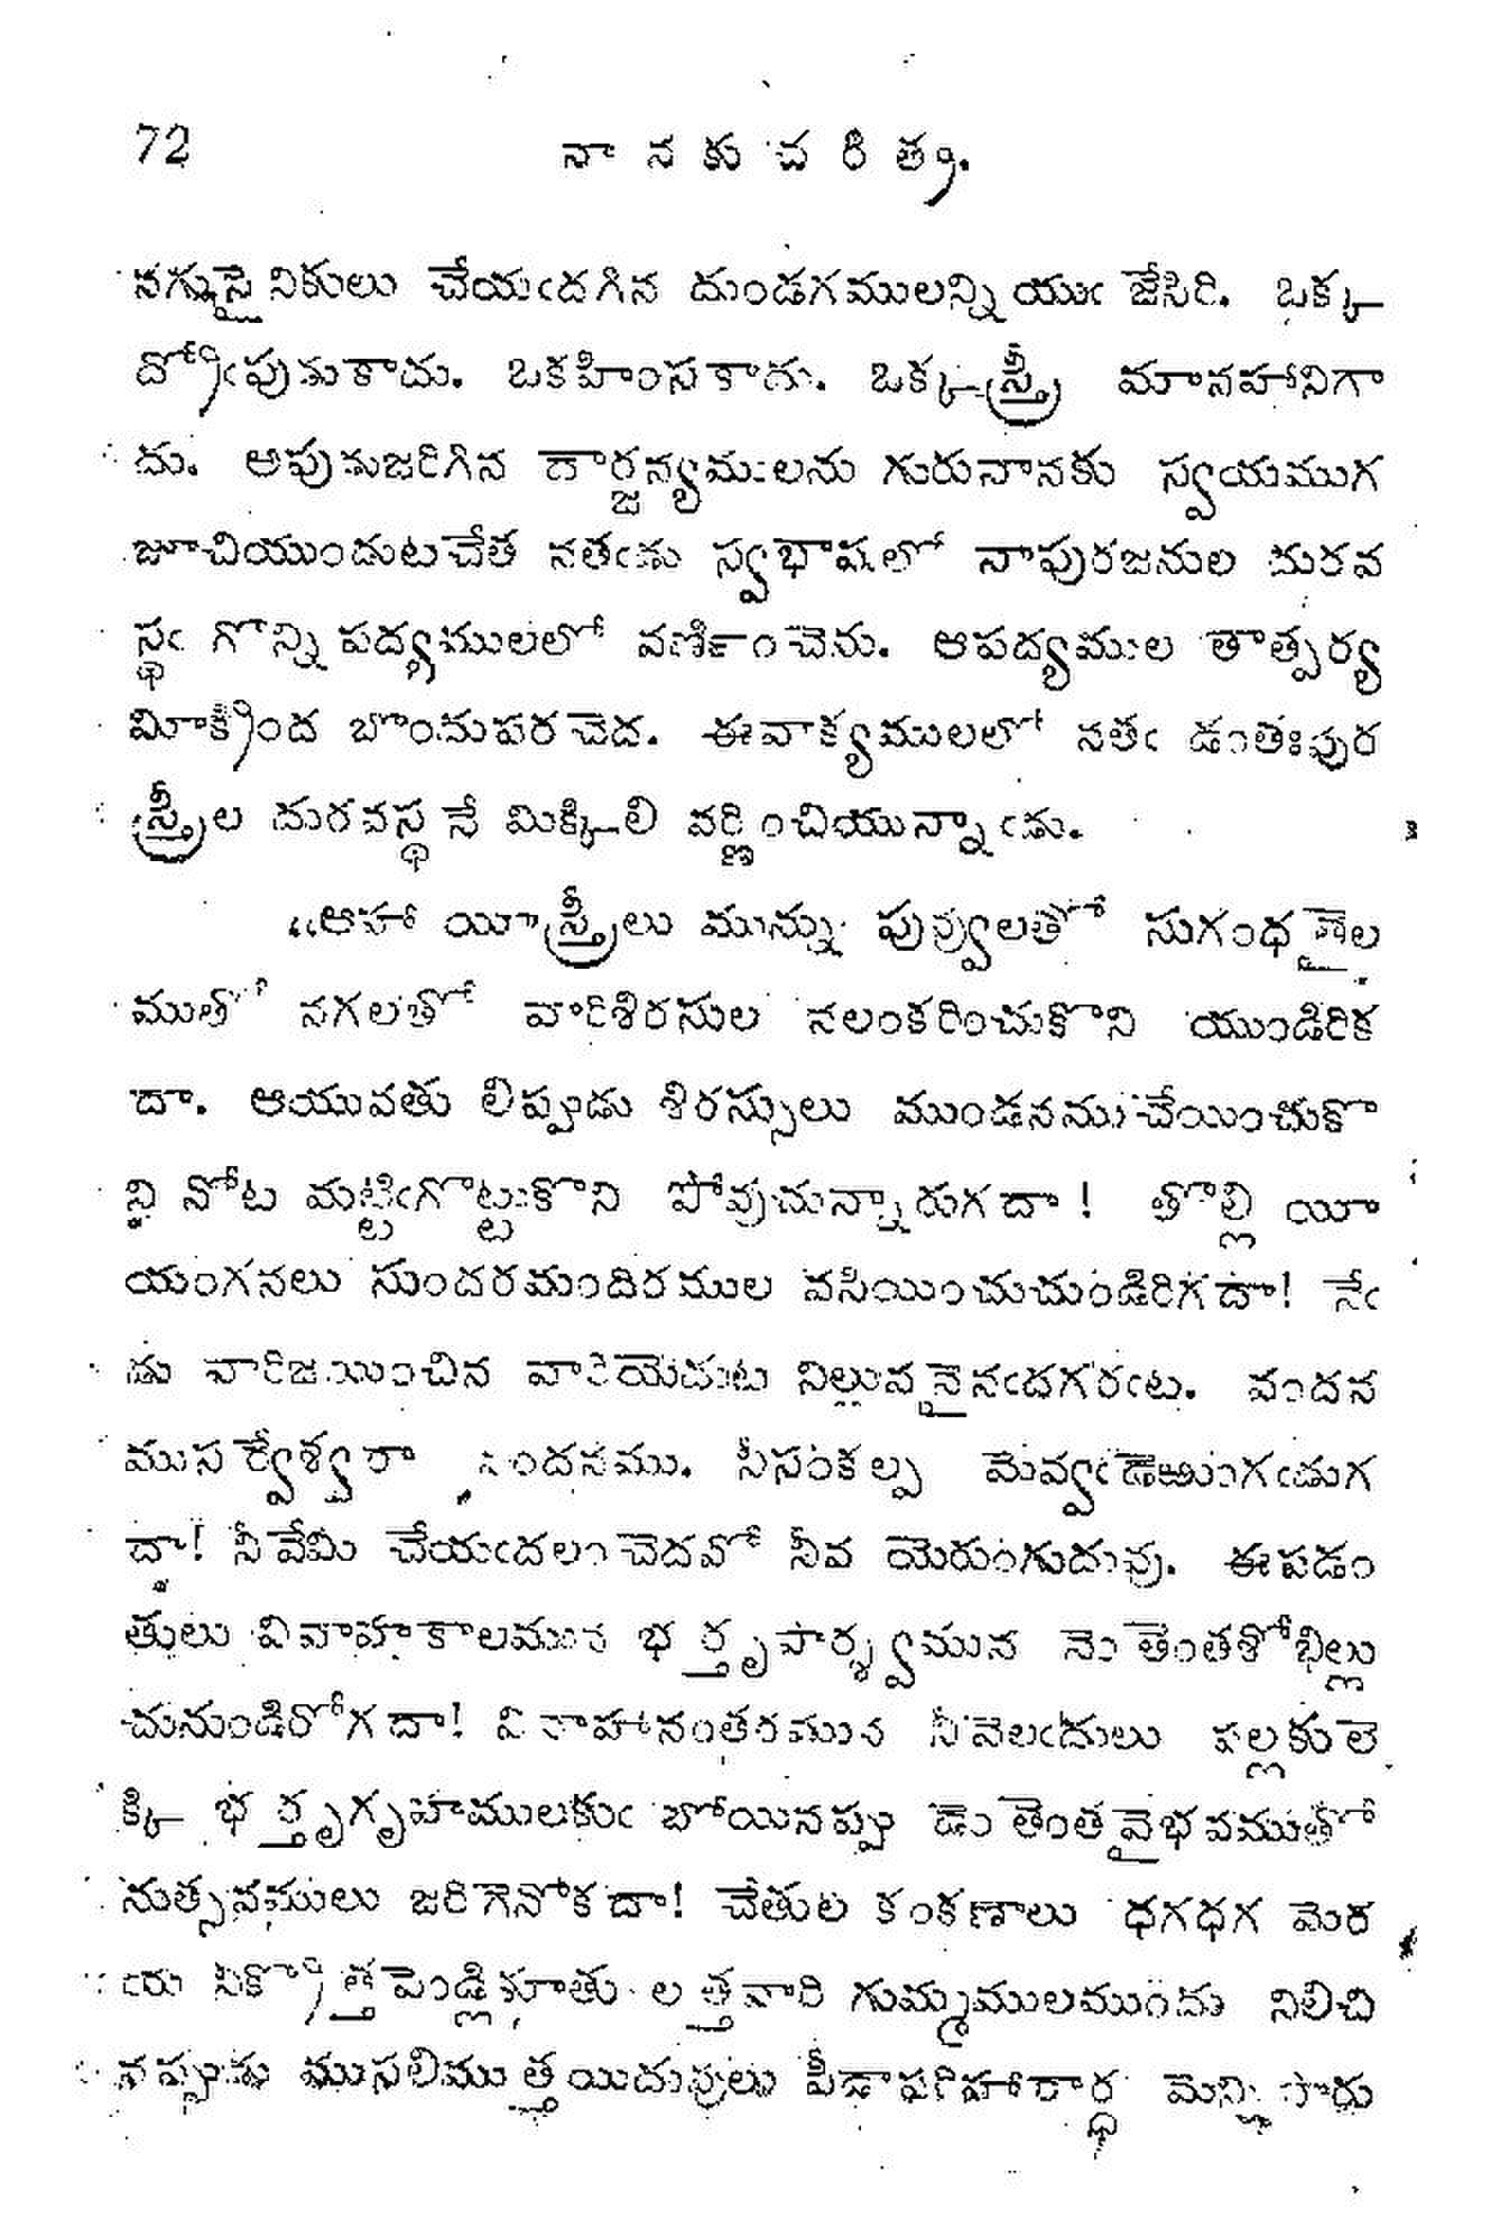నగుసైనికులు చేయదగిన దుండగములన్నియు జేసిరి. ఒక్క ద్రోపుడుకాదు. ఒకహింసకాదు. ఒక్కస్త్రీ మానహానిగాదు. అపుడుజరిగిన దౌర్జన్యములను గురునానకు స్వయముగ జూచియుండుటచేత నతడు స్వభాషలో నాపురజనుల దురవస్థ గొన్ని పద్యములలో వణిన్ంచెను. ఆపద్యముల తాత్పర్య మీక్రింద బొందుపరచెద. ఈ వాక్యములలో నత డంత:పుర స్త్రీల దురవస్థనే మిక్కిలి వర్ణించియున్నాడు.

"ఆహా యీస్త్రీలు మున్ను పువ్వులతో సుగంధతైలముతో నగలతో వారిశిరసుల నలంకరించుకొని యుండిరికదా. ఆయువతు లిప్పుడు శిరస్సులు ముండనముచేయించుకొని నోట మట్టిగొట్టుకొని పోవుచున్నారుగదా! తొల్లి యీ యంగనలు సుందరమందిరముల వసియించుచుండిరిగదా! నేడు వారిజయించిన వారియెదుట నిలువనైనదగరట. వందనముసర్వేశ్వరా వందనము. నీసంకల్ప మెవ్వడెఱుంగడుగదా! నీవేమి చేయదలంచెదవో నీవ యెరుంగుదువు. ఈపడంతులు వివాహకాలమున భర్తృపార్శ్వమున నెంతెంతశోభిల్లుచునుండిరోగదా! వివాహానంతరమున నీవెలదులు పల్లకులెక్కి భర్తృగృహములకు బోయినప్పు డెంతెంతవైభవముతో నుత్సవములు జరిగెనొకదా! చేతుల కంకణాలు ధగధగ మెరయ నీక్రొత్తపెండ్లికూతు లత్తవారి గుమ్మములముందు నిలిచినప్పుడు ముసలిముత్తయిదువులు పీడాపరిహారార్థ మెన్నిపారు